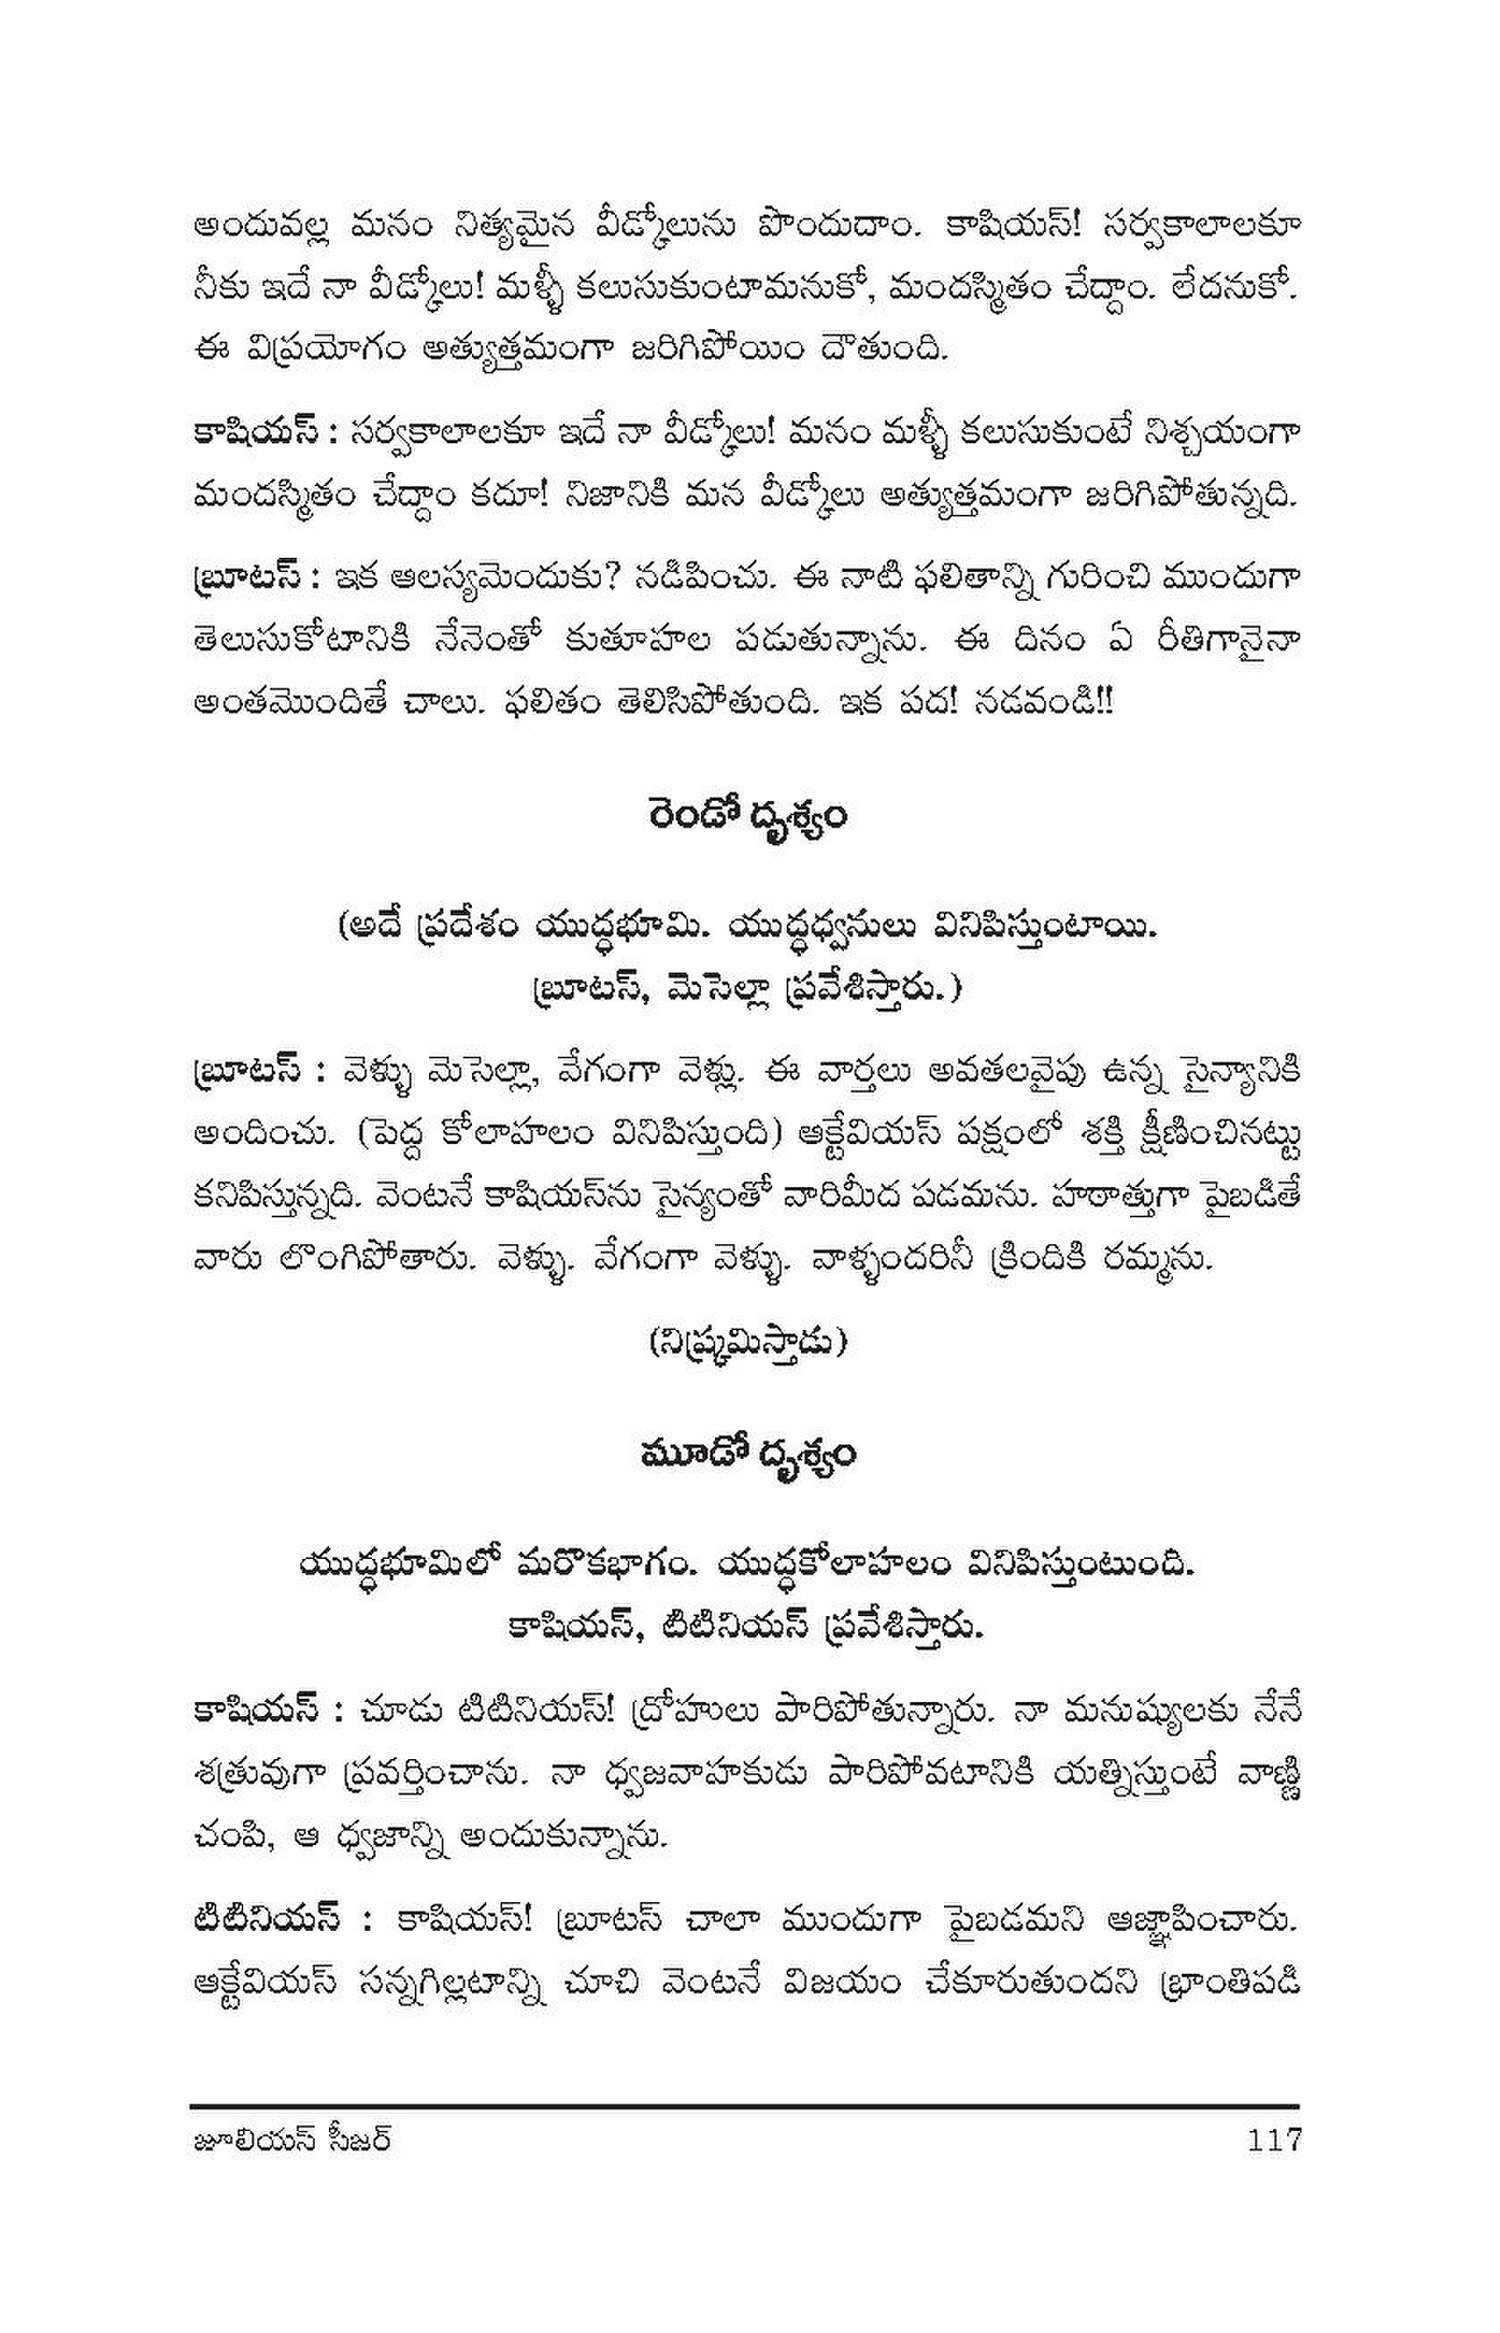అందువల్ల మనం నిత్యమైన వీడ్కోలును పొందుదాం. కాషియస్! సర్వకాలాలకూ నీకు ఇదే నా వీడ్కోలు! మళ్ళీ కలుసుకుంటామనుకో, మందస్మితం చేద్దాం. లేదనుకో. ఈ విప్రయోగం అత్యుత్తమంగా జరిగిపోయిం దౌతుంది.

కాషియస్ : సర్వకాలాలకూ ఇదే నా వీడ్కోలు! మనం మళ్ళీ కలుసుకుంటే నిశ్చయంగా మందస్మితం చేద్దాం కదూ! నిజానికి మన వీడ్కోలు అత్యుత్తమంగా జరిగిపోతున్నది.

బ్రూటస్ : ఇక ఆలస్యమెందుకు? నడిపించు. ఈ నాటి ఫలితాన్ని గురించి ముందుగా తెలుసుకోటానికి నేనెంతో కుతూహల పడుతున్నాను. ఈ దినం ఏ రీతిగానైనా అంతమొందితే చాలు. ఫలితం తెలిసిపోతుంది. ఇక పద! నడవండి!!

బ్రూటస్ : వెళ్ళు మెసెల్లా, వేగంగా వెళ్లు. ఈ వార్తలు అవతలవైపు ఉన్న సైన్యానికి అందించు. (పెద్ద కోలాహలం వినిపిస్తుంది) ఆక్టేవియస్ పక్షంలో శక్తి క్షీణించినట్టు కనిపిస్తున్నది. వెంటనే కాషియస్ ను సైన్యంతో వారిమీద పడమను. హఠాత్తుగా పైబడితే వారు లొంగిపోతారు. వెళ్ళు. వేగంగా వెళ్ళు. వాళ్ళందరినీ క్రిందికి రమ్మను.

కాషియస్ : చూడు టిటినియస్! ద్రోహులు పారిపోతున్నారు. నా మనుష్యులకు నేనే శత్రువుగా ప్రవర్తించాను. నా ధ్వజవాహకుడు పారిపోవటానికి యత్నిస్తుంటే వాణ్ణి చంపి, ఆ ధ్వజాన్ని అందుకున్నాను.

టిటినియస్ : కాషియస్! బ్రూటస్ చాలా ముందుగా పైబడమని ఆజ్ఞాపించారు. ఆక్టేవియస్ సన్నగిల్లటాన్ని చూచి వెంటనే విజయం చేకూరుతుందని భ్రాంతిపడి